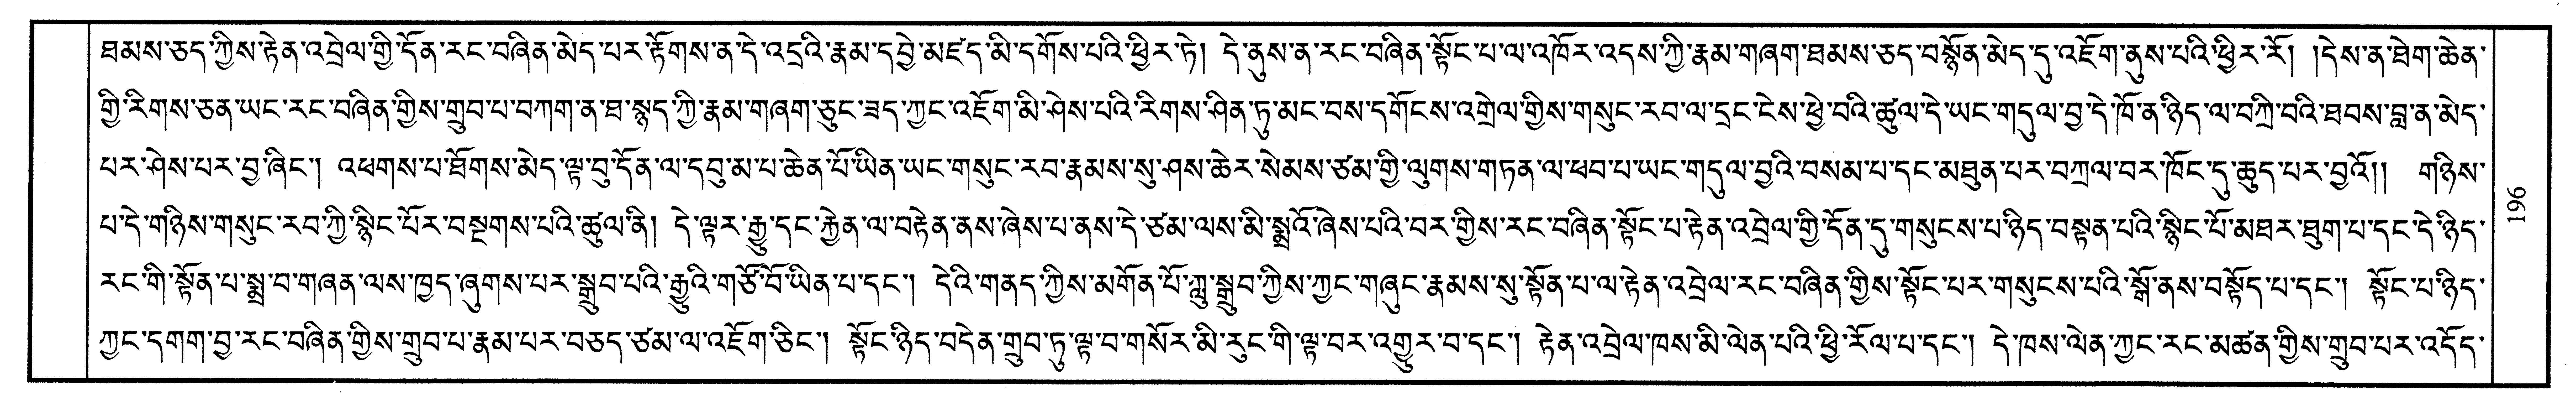ཐམས་ཅད་ཀྱིས་རྟེན་འབྲེལ་གྱི་དོན་རང་བཞིན་མེད་པར་རྟོགས་ནས་དེ་འདྲའི་རྣམ་དབྱེ་མཛད་མི་དགོས་པའི་ཕྱིར་ཏེ། དེ་ནུས་ན་རང་བཞིན་སྟོང་པ་ལ་འཁོར་འདས་ཀྱི་རྣམ་གཞག་ཐམས་ཅད་བསྙོན་མེད་དུ་འཇོག་ནུས་པའི་ཕྱིར་རོ། །དེས་ན་ཐེག་ཆེན་
གྱི་རིགས་ཅན་ཡང་རང་བཞིན་གྱིས་གྲུབ་པ་བཀག་ན་ཐ་སྙད་ཀྱི་རྣམ་གཞག་ཅུང་ཟད་ཀྱང་འཇོག་མི་ཤེས་པའི་རིགས་ཤིན་ཏུ་མང་བས་དགོངས་འགྲེལ་གྱིས་གསུང་རབ་ལ་དྲང་ངེས་ཕྱེ་བའི་ཚུལ་དེ་ཡང་གདུལ་བྱ་དེ་ཁོ་ན་ཉིད་ལ་བཀྲི་བའི་ཐབས་བླ་ན་མེད་
པར་ཤེས་པར་བྱ་ཞིང་། འཕགས་པ་ཐོགས་མེད་ལྟ་བུ་དོན་ལ་དབུ་མ་པ་ཆེན་པོ་ཡིན་ཡང་གསུང་རབ་རྣམས་སུ་ཤས་ཆེར་སེམས་ཙམ་གྱི་ལུགས་གཏན་ལ་ཕབ་པ་ཡང་གདུལ་བྱའི་བསམ་པ་དང་མཐུན་པར་བཀྲལ་བར་ཁོང་དུ་ཆུད་པར་བྱའོ།། གཉིས་
པ་དེ་གཉིས་གསུང་རབ་ཀྱི་སྙིང་པོར་བསྔགས་པའི་ཚུལ་ནི། དེ་ལྟར་རྒྱུ་དང་རྐྱེན་ལ་བརྟེན་ནས་ཞེས་པ་ནས་དེ་ཙམ་ལས་མི་སྨྲའོ་ཞེས་པའི་བར་གྱིས་རང་བཞིན་སྟོང་པ་རྟེན་འབྲེལ་གྱི་དོན་དུ་གསུངས་པ་ཉིད་བསྟན་པའི་སྙིང་པོ་མཐར་ཐུག་པ་དང་དེ་ཉིད་
རང་གི་སྟོན་པ་སྨྲ་བ་གཞན་ལས་ཁྱད་ཞུགས་པར་སྒྲུབ་པའི་རྒྱུའི་གཙོ་བོ་ཡིན་པ་དང་། དེའི་གནད་ཀྱིས་མགོན་པོ་ཀླུ་སྒྲུབ་ཀྱིས་ཀྱང་གཞུང་རྣམས་སུ་སྟོན་པ་ལ་བརྟེན་འབྲེལ་རང་བཞིན་གྱིས་སྟོང་པར་གསུངས་པའི་སྒོ་ནས་བསྟོད་པ་དང་། སྟོང་པ་ཉིད་
ཀྱང་དགག་བྱ་རང་བཞིན་གྱིས་གྲུབ་པ་རྣམ་པར་བཅད་ཙམ་ལ་འཇོག་ཅིང་། སྟོང་ཉིད་བདེན་གྲུབ་ཏུ་ལྟ་བ་གསོར་མི་རུང་གི་ལྟ་བར་འགྱུར་བ་དང་། རྟེན་འབྲེལ་ཁས་མི་ལེན་པའི་ཕྱི་རོལ་པ་དང་། དེ་ཁས་ལེན་ཀྱང་རང་མཚན་གྱིས་གྲུབ་པར་འདོད་